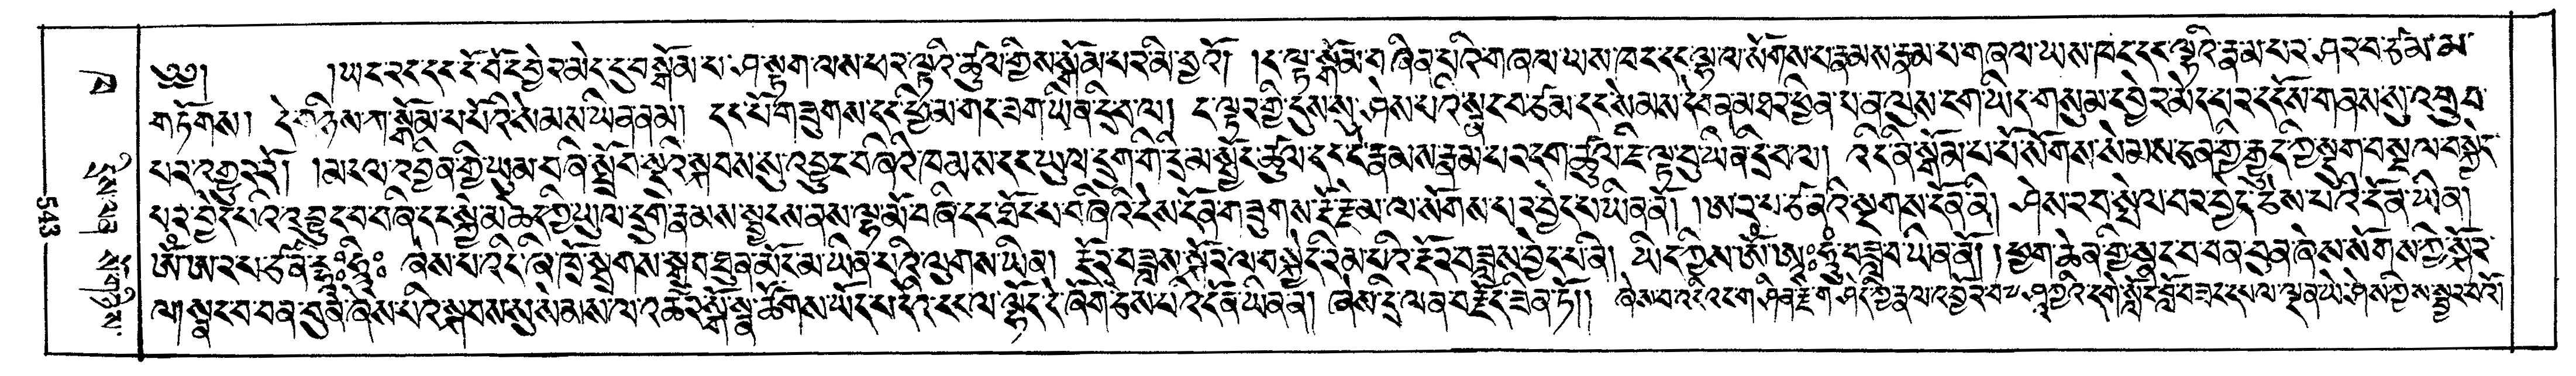༄༅། །ཡང་རང་དང་ངོ་བོ་དབྱེར་མེད་དུ་བསྒོམ་པ་ཤ་སྟག་ལས་ཕར་ལྟའི་ཚུལ་གྱིས་སྒོམ་པར་མི་བྱའོ། །ད་ལྟ་སྒོམ་བཞིན་པའི་གཞལ་ཡས་ཁང་དང་ལྷ་ལ་སོགས་པ་རྣམས་རྣམ་པ་གཞལ་ཡས་ཁང་དང་ལྷའི་རྣམ་པར་ཤར་བ་ཙམ་མ་
གཏོགས། དེ་གཉིས་ག་སྒོམ་པ་པོའི་སེམས་ཡིན་ནམ། དང་པོ་གཟུགས་དང་ཕྱི་མ་གང་ཟག་ཡིན་བྲི་བ་ལ། ད་ལྟར་གྱི་དུས་སུ་ཤེས་པའི་སྣང་བ་ཙམ་དང་སེམས་དབེན་མཐར་ཕྱིན་པ་ན་ལུས་ངག་ཡིད་གསུམ་དབྱེར་མེད་པར་དངོས་གནས་སུ་འགྲུབ་
པར་འགྱུར་རོ། །མངལ་འབྱིན་གྱི་ཡུམ་བཞི་སྤྲོ་བསྡུའི་སྐབས་སུ་འབྱུང་བཞིའི་ཁམས་དང་ཡུལ་དྲུག་གི་དྲི་མ་སྦྱོང་ཚུལ་དང་དེ་རྣམས་རྣམ་པར་དག་ཚུལ་ཇི་ལྟ་བུ་ཡིན་དྲི་བ་ལ། འདི་ནི་སྒོམ་པ་པོ་སོགས་སེམས་ཅན་གྱི་རྒྱུད་ཀྱི་སྡུག་བསྔལ་བསྐྱེད་
པར་བྱེད་པའི་འབྱུང་བ་བཞི་དང་སྐྱེ་མཆེད་ཀྱི་ཡུལ་དྲུག་རྣམས་སྦྱངས་ནས་ལྷ་མོ་བཞི་དང་ཐོད་པ་བཞིའི་ངེས་དོན་གཟུགས་རྡོ་རྗེ་མ་ལ་སོགས་པར་བྱེད་པ་ཡིན་ནོ། །ཨ་ར་པ་ཙ་ནའི་སྔགས་དོན་ནེ། ཤེས་རབ་སྤེལ་བར་བྱེད་ཅེས་པའི་དོན་ཡིན།
ཨོཾ་ཨ་ར་པ་ཙ་ན་དྷཱིཿ ཧྲཱིཿ ཞེས་པ་འདི་ཞི་ཁྲོ་སྦྲགས་སྒྲུབ་ཐུན་མོང་མ་ཡིན་པའི་ལུགས་ཡིན། རྡོར་བཟླས་སྐོར་ལ་བསྐྱེད་རིམ་པའི་རྡོར་བཟླས་བྱེད་པ་ནི། ཡིད་ཀྱིས་ཨོཾ་ཨཱཿ ཧཱུཾ་བཟླ་བ་ཡིན་ནོ། །ཕྱག་ཆེན་གྱི་སྣང་བ་བན་བུན་ཞེས་སོགས་ཀྱི་སྐོར་
ལ། སྣང་བ་བན་བུན་ཞེས་པའི་སྐབས་སུ་སེམས་ལ་འཆར་སྒོ་སྣ་ཚོགས་ཡོད་པ་དེའི་ངང་ལ་ལྷོད་དེ་ཞོག་ཅེས་པའི་དོན་ཡིན་ནོ། ཞེས་དྲི་ལན་བརྗོད་ཟིན་ཏོ།། ཞེས་པ་འདིའང་གཤིན་རྗེ་གཤེད་ཀྱི་རྣལ་འབྱོར་བ་༧་ཤཱཀྱའི་དགེ་སློང་བློ་བཟང་དཔལ་ལྡན་ཡེ་ཤེས་ཀྱིས་སྦྱར་བའོ།